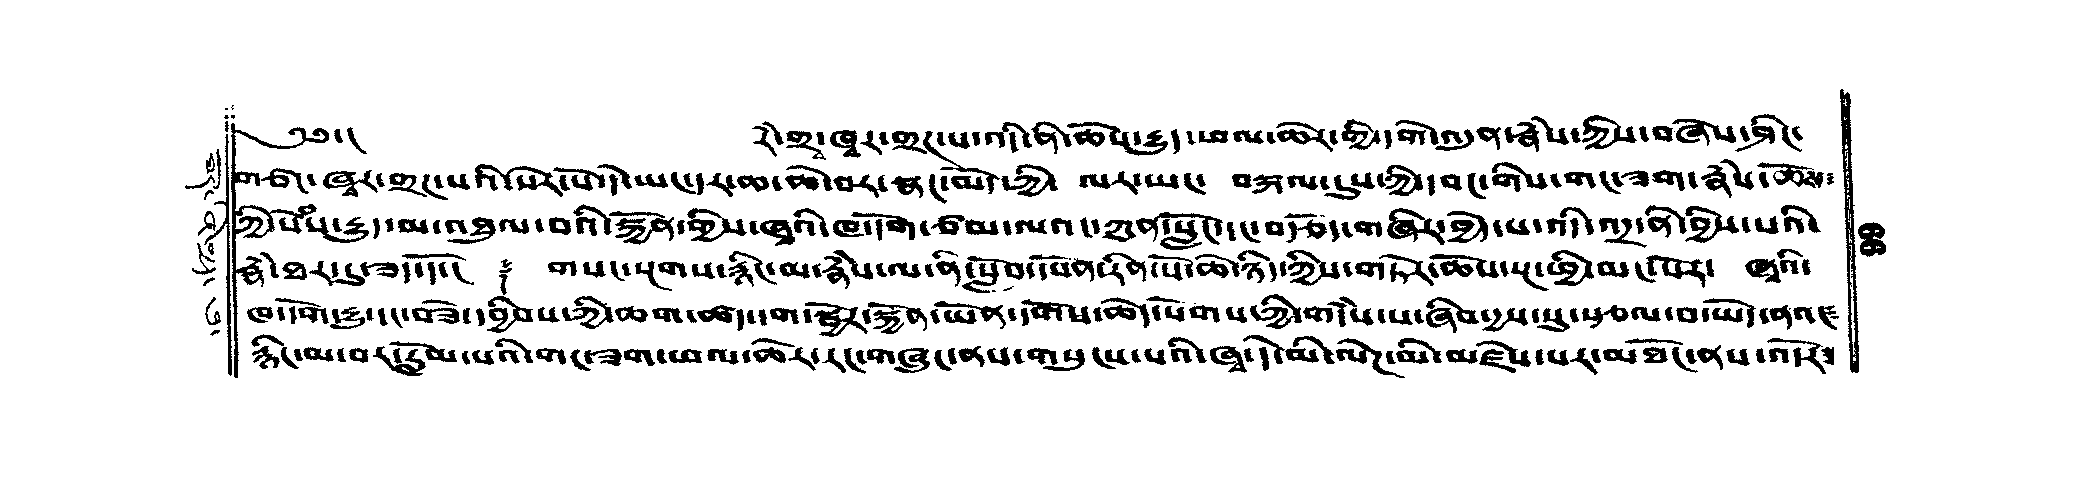རམཔགྲྭཔཞརཔགྲགསཔ་པའདིཔནིཔཆོསཔརྒྱུདཔཕལཔཆེརཔགྱིཔདགེཔའདུནཔརྣམསཔཀྱིསཔབཞེསཔཤིངཔ
གཙངཔཞྭརཔགྲགསཔ་འིཔསེརཔ་ོཔདེཔཡངཔདརཔཆཔཆེཔབརཔསྣངཔམོདཔཀྱི། ལརཔཡངཔ། བསྐལཔདུསཔཀྱིཔདབངཔགིསཔགངཔཟགཔརྣམསཔཆོསཔ
ཀྱིཔསེམསཔརྒྱུདཔམཔཐུལཔབའིཔརྐྱེནཔགྱིསཔཞྭའིཔཁཔདོགཔཙམཔལའངཔཀུནཔསློངཔདངཔརྩོདཔགཞིརཔབྱེདཔ་པའདིཔའདྲཔནིཔབྱིསཔ་འིཔ
རྣམཔཐརཔཏཔཟདཔདོ། གསངཔསྔགསཔརྙིངཔམཔལཔནིཔསློབཔད་ོནཔརིནཔ་ོཔཉིདཔཀྱིསཔགཏེརཔཆོསཔསྔཔཕྱིཔམངཔ་ོར། ཞྭའི
པཁཔདོགཔརྒྱུཔདངཔབཟོཔདབྱིབསཔཀྱིཔཆགཔཚདཔདགཔསྦྱོརཔོནཔཡོནཔདགོསཔཆེདཔསོགསཔཀྱིཔགདམསཔ་པཞིབཔརྒྱསཔསུཔརྩལཔབཔཡོདཔནའངཔ། 
རྙིངཔམཔབརཔརློམཔ་འིཔགངཔཟགཔཕལཔཆེརཔརངཔགཞུངཔནསཔགསུངསཔ་འིཔཞྭཔདེཔམིཔལེགསཔམིཔམཛེསཔ་རཔམཐོངཔནསཔའདོརཔ